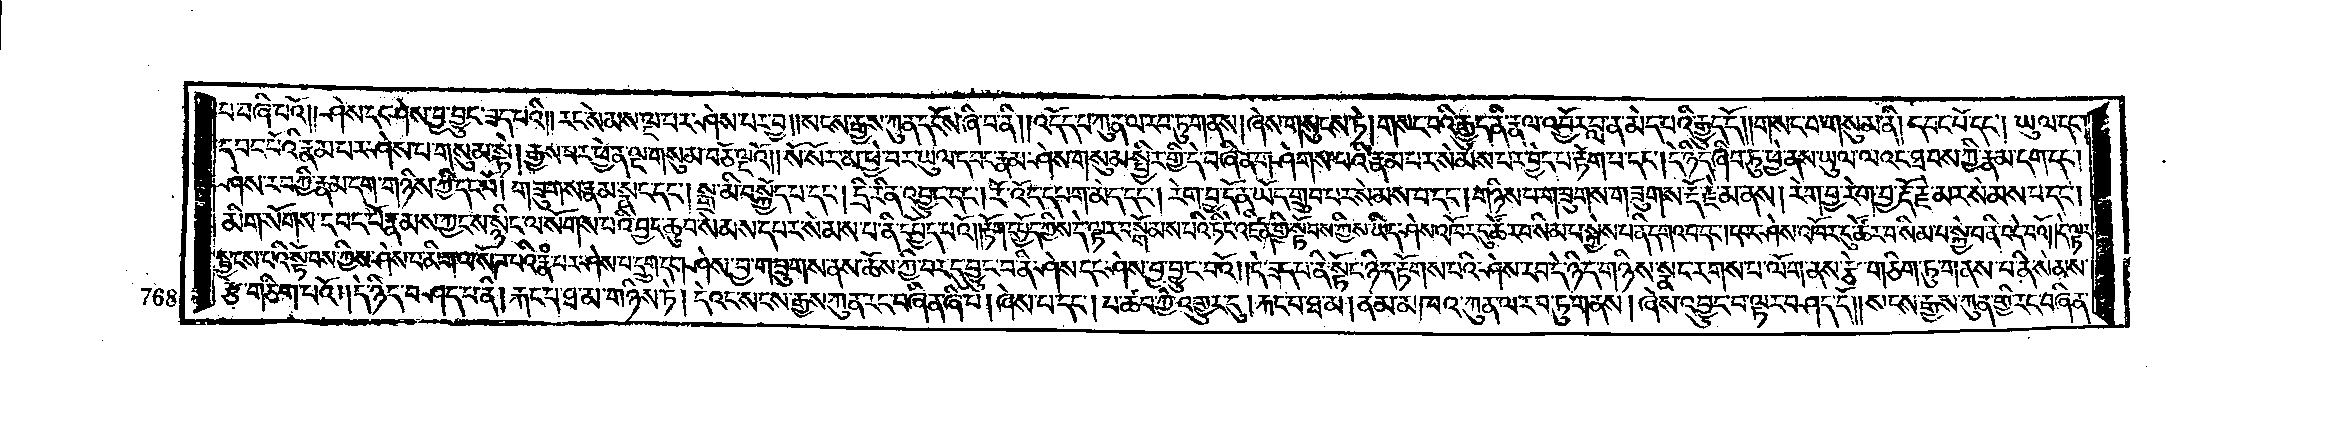པ་བཞི་པའོ། །ཤེས་དང་ཤེས་བྱ་བྱུང་ཟད་པའི། །རང་སེམས་ལྔ་པར་ཤེས་པར་བྱ། །སངས་རྒྱས་ཀུན་དངོས་ཞི་བ་ནི། །འདོད་པ་ཀུན་ལ་རབ་ཏུ་གནས། ཞེས་གསུངས་ཏེ། གསང་བའི་རྒྱུད་ནི་རྣལ་འབྱོར་བླ་ན་མེད་པའི་རྒྱུད་དོ། །གསང་བ་གསུམ་ནི། དབང་པོ་དང་། ཡུལ་དང་།
དབང་པོའི་རྣམ་པར་ཤེས་པ་གསུམ་སྟེ། རྒྱས་པར་ཕྱེ་ན་ལྔ་གསུམ་བཅོ་ལྔའོ། །སོ་སོར་མ་ཕྱེ་བར་ཡུལ་དབང་རྣམ་ཤེས་གསུམ་སྤྱིར་གྱི་དེ་བཞིན་གཤེགས་པའི་རྣམ་པར་སེམས་པར་བྱེད་པ་རྟོག་པ་དང་། དེ་ཉིད་ཞིབ་ཏུ་ཕྱེ་ནས་ཡུལ་ལའང་ཐབས་ཀྱི་རྣམ་དག་དང་།
ཤེས་རབ་ཀྱི་རྣམ་དག་གཉིས་ཀྱི་དང་པོ། གཟུགས་རྣམ་སྣང་དང་། སྒྲ་མི་བསྐྱོད་པ་དང་། དྲི་རིན་འབྱུང་དང་། རོ་འོད་དཔག་མེད་དང་། རེག་བྱ་དོན་ཡོད་གྲུབ་པར་སེམས་པ་དང་། གཉིས་པ་གཟུགས་གཟུགས་རྡོ་རྗེ་མ་ནས། རེག་བྱ་རེག་བྱ་རྡོ་རྗེ་མར་སེམས་པ་དང་།
མིག་སོགས་དབང་པོ་རྣམས་ཀྱང་ས་སྙིང་ལ་སོགས་པའི་བྱང་ཆུབ་སེམས་དཔར་སེམས་པ་ནི་དཔྱོད་པའོ། །རྟོག་དཔྱོད་ཀྱིས་དེ་ལྟར་བསྒོམས་པའི་ཏིང་ངེ་འཛིན་གྱི་སྟོབས་ཀྱིས་ཡིད་ཤེས་འཁོར་དུ་ཚོར་བ་སིམ་པ་སྐྱེས་པ་ནི་དགའ་བ་དང་། དབང་ཤེས་འཁོར་དུ་ཚོར་བ་སིམ་པ་སྐྱེ་བ་ནི་བདེ་བའོ། །དེ་ལྟར་
སྦྱངས་པའི་སྟོབས་ཀྱིས་ཤེས་པ་མིག་ལ་སོགས་པའི་རྣམ་པར་ཤེས་པ་དྲུག་དང་། ཤེས་བྱ་གཟུགས་ནས་ཆོས་ཀྱི་བར་དུ་བྱུང་བ་ནི་ཤེས་དང་ཤེས་བྱ་བྱུང་བའོ། །དེ་ཟད་པ་ནི་སྟོང་ཉིད་རྟོགས་པའི་ཤེས་རབ་དེ་ཉིད་གཉིས་སྣང་རགས་པ་ལོག་ནས་རྩེ་གཅིག་ཏུ་གནས་པ་ནི་སེམས་
རྩེ་གཅིག་པའོ། །དེ་ཉིད་བཤད་པ་ནི། རྐང་པ་ཐ་མ་གཉིས་ཏེ། དེའང་སངས་རྒྱས་ཀུན་རང་བཞིན་ཞི་པ། ཞེས་པ་དང་། པ་ཚབ་ཀྱི་འགྱུར་དུ། རྐང་པ་ཐ་མ། ནམ་མཁའ་ཀུན་ལ་རབ་ཏུ་གནས། ཞེས་འབྱུང་བ་ལྟར་བཤད་དོ། །སངས་རྒྱས་ཀུན་གྱི་རང་བཞིན་